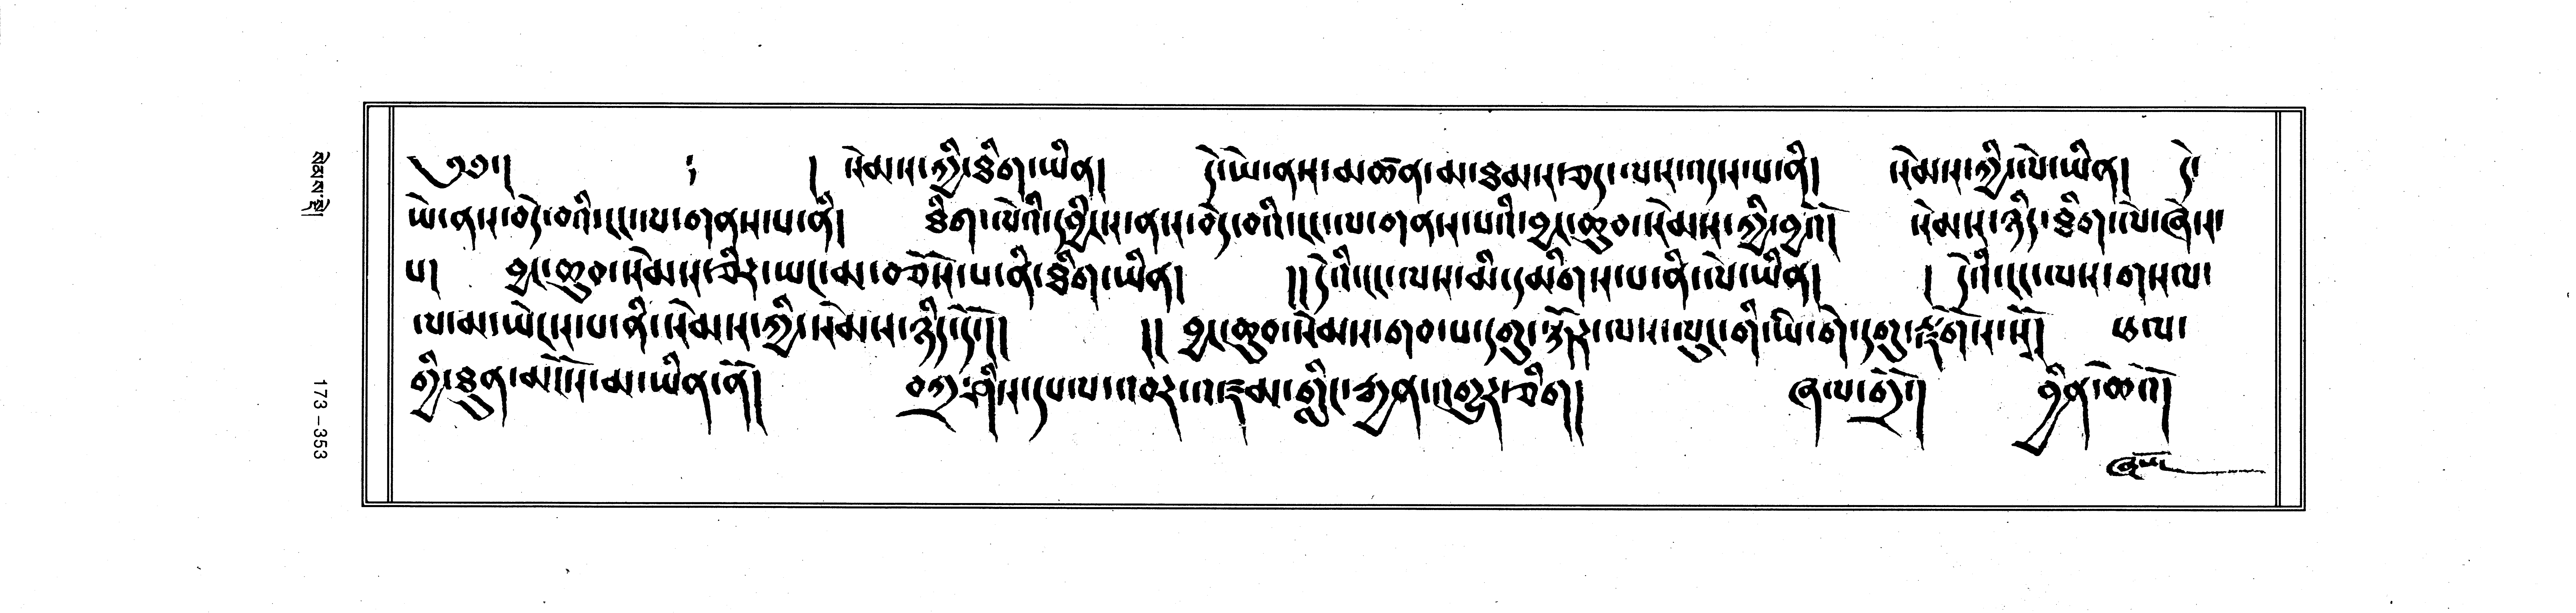སེམས་ཀྱི་ཐིག་ཡིན། དེ་ཡེ་ནས་མཚན་མ་ཐམས་ཅད་ལས་འདས་པ་ནི། སེམས་ཀྱི་ཐིག་ཡིན། དེ་
ཡེ་ནས་བདེ་བའི་ངང་ལས་གནས་པ་ནི། ཐིག་ལེའི་དབྱིངས་ནས་་བདེ་བའི་ངང་ལ་གནས་པའི་བྱང་ཆུབ་སེམས་ཀྱི་བྱའོ། །སེམས་ཉིད་ཐིག་ལེ་ཞེས་
པ། བྱང་ཆུབ་སེམས་ཅིར་ཡང་མ་བཅོས་པ་ནི་ཐིག་ཡིན། དེའི་ངང་ལས་མི་དམིགས་པ་ནི་ལེ་ཡིན། དེའིང་ངང་ལས་གསལ་
ལ་མ་ཡེངས་པ་ནི་སེམས་ཀྱི་ཉིད་དོ། །བྱང་ཆུབ་སེམས་གབ་པ་དགུ་སྐོར་ལས་ལུང་གི་ཡི་གེ་དགུ་རྫོགས་སོ།། །།ཕལ་
གྱི་ཐུན་མོང་མ་ཡིན་ནོ།། །།བཀྲ་ཤིས་དཔལ་འབར་འཛམ་གླིང་རྒྱན་གྱུར་ཅིག། །།ཞལ་དྲོ། བྱིན་ཆེའོ།། །།